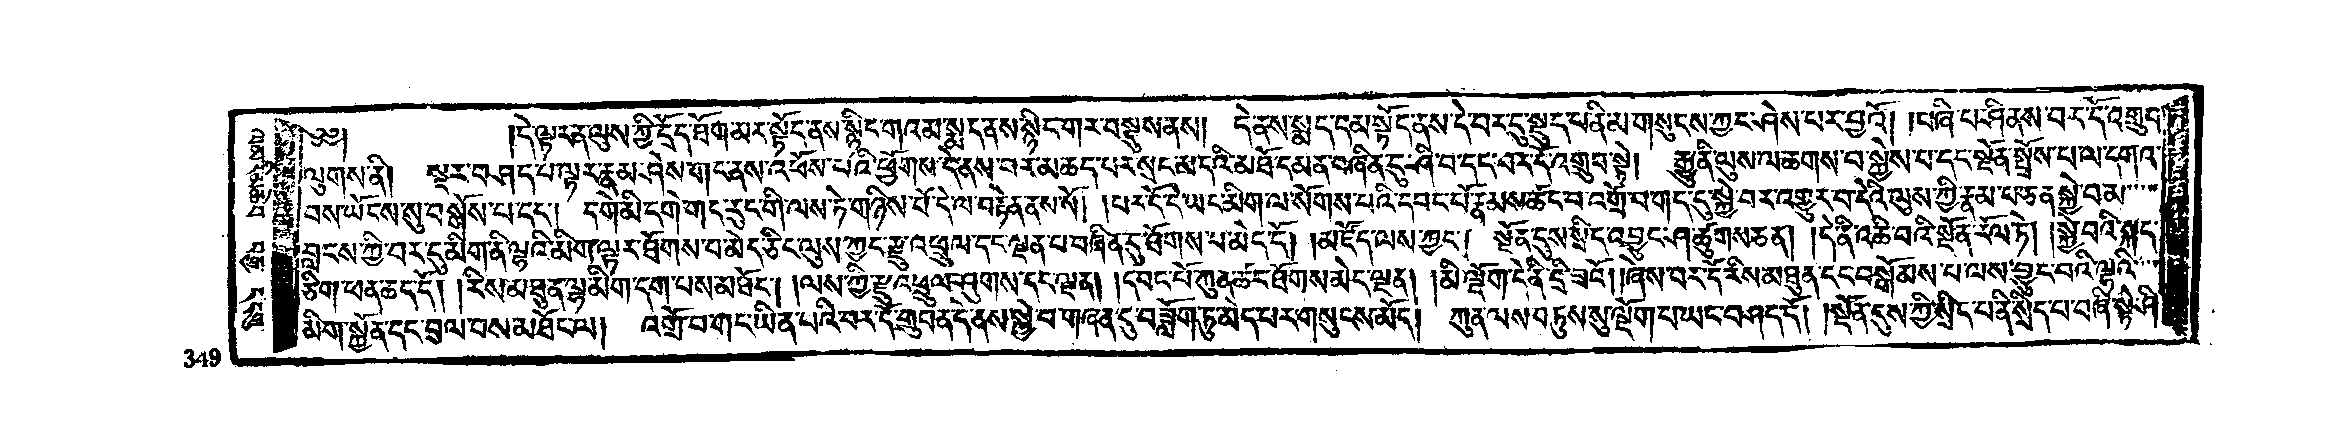༄༅། །དེ་ལྟར་ན་ལུས་ཀྱི་དྲོད་ཐོག་མར་སྟོད་ནས་སྙིང་གའམ་སྨད་ནས་སྙིང་གར་བསྡུས་ནས། དེ་ནས་སྨད་དམ་སྟོད་ནས་དེ་བར་དུ་སྡུད་པ་ནི་མ་གསུངས་ཀྱང་ཤེས་པར་བྱའོ། །བཞི་པ་ཤི་ནས་བར་དོ་འགྲུབ་
ལུགས་ནི། སྔར་བཤད་པ་ལྟར་རྣམ་ཤེས་གང་ནས་འཕོས་པའི་ཕྱོགས་དེ་ནས་བར་མ་ཆད་པར་སྲང་མདའི་མཐོ་དམན་བཞིན་དུ་ཤི་བ་དང་བར་དོ་འགྲུབ་སྟེ། རྒྱུ་ནི་ལུས་ལ་ཆགས་པ་སྐྱེས་པ་དང་སྔོན་སྤྲོས་པ་ལ་དགའ་
བས་ཡོངས་སུ་བསྒོས་པ་དང་། དགེ་མི་དགེ་གང་རུང་གི་ལས་ཏེ་གཉིས་པོ་དེ་ལ་བརྟེན་ནས་སོ། །བར་དོ་དེ་ཡང་མིག་ལ་སོགས་པའི་དབང་པོ་རྣམས་ཚང་བ་འགྲོ་བ་གང་དུ་སྐྱེ་བར་འགྱུར་བ་དེའི་ལུས་ཀྱི་རྣམ་པ་ཅན་སྐྱེ་བ་མ་
བླངས་ཀྱི་བར་དུ་མིག་ནི་ལྷའི་མིག་ལྟར་ཐོགས་པ་མེད་ཅིང་ལུས་ཀྱང་རྫུ་འཕྲུལ་དང་ལྡན་པ་བཞིན་དུ་ཐོགས་པ་མེད་དོ། །མཛོད་ལས་ཀྱང་། སྔོན་དུས་སྲིད་འབྱུང་ཤ་ཚུགས་ཅན། །དེ་ནི་འཆི་བའི་སྔོན་རོལ་ཏེ། །སྐྱེ་བའི་སྐད་
ཅིག་ཕན་ཆད་དོ། །རིས་མཐུན་ལྷ་མིག་དག་པས་མཐོང་། །ལས་ཀྱི་རྫུ་འཕྲུལ་ཤུགས་དང་ལྡན། །དབང་པོ་ཀུན་ཚང་ཐོགས་མེད་ལྡན། །མི་ལྡོག་དེ་ནི་དྲི་ཟའོ། །ཞེས་བར་དོ་རིས་མཐུན་དང་བསྒོམས་པ་ལས་བྱུང་བའི་ལྷའི་
མིག་སྐྱོན་དང་བྲལ་བས་མཐོང་ལ། འགྲོ་བ་གང་ཡིན་པའི་བར་དོ་གྲུབ་ན་དེ་ནས་སྐྱེ་བ་གཞན་དུ་བཟློག་ཏུ་མེད་པར་གསུངས་མོད། ཀུན་ལས་བཏུས་སུ་ལྡོག་པ་ཡང་བཤད་དོ། །སྔོན་དུས་ཀྱི་སྲིད་པ་ནི་སྲིད་པ་བཞི་སྟེ་ཤི་